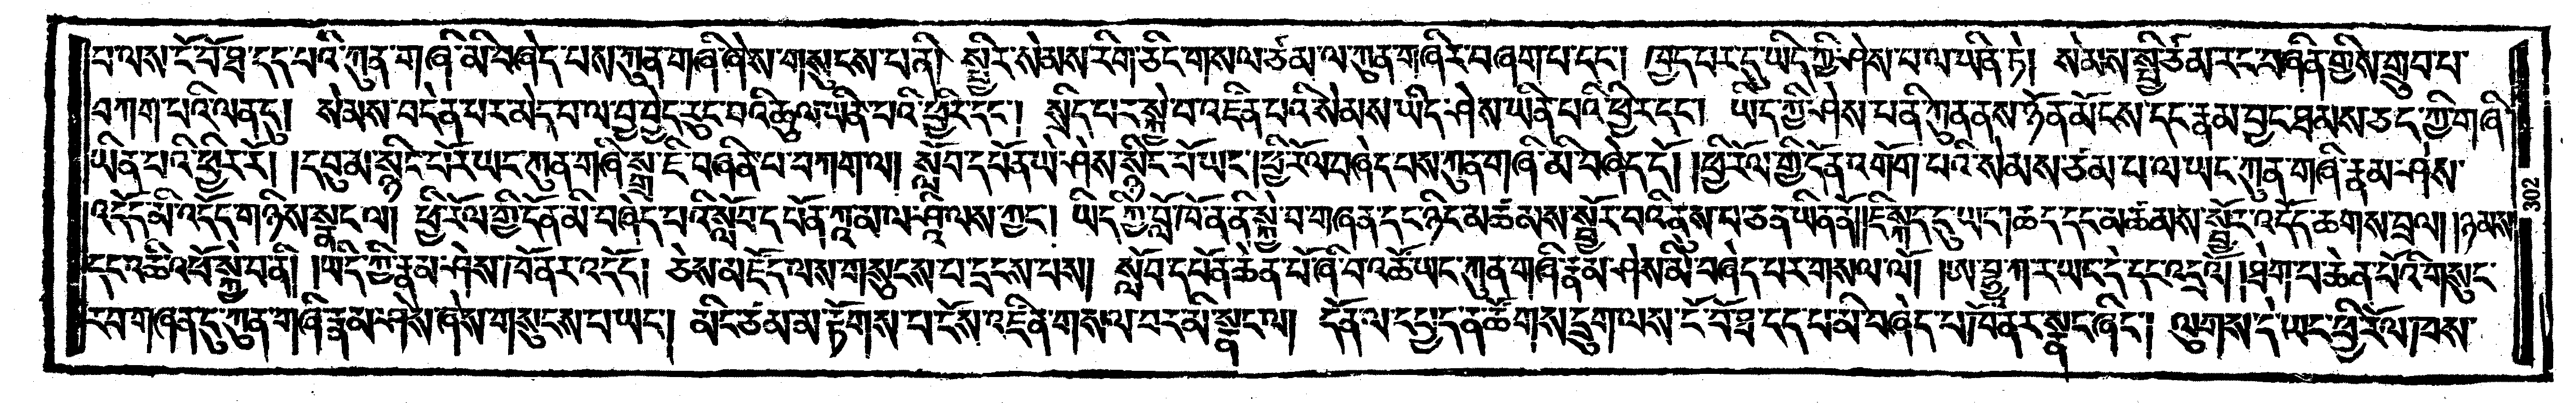པ་ལས་ངོ་བོ་ཐ་དད་པའི་ཀུན་གཞི་མི་བཞེད་པས་ཀུན་གཞི་ཞེས་གསུངས་པ་ནི། སྤྱིར་སེམས་རིག་ཅིང་གསལ་ཙམ་ལ་ཀུན་གཞིར་བཞག་པ་དང་། ཁྱད་པར་དུ་ཡིད་ཀྱི་ཤེས་པ་ལ་ཡིན་ཏེ། སེམས་སྤྱི་ཙམ་རང་བཞིན་གྱིས་གྲུབ་པ་
བཀག་པའི་ལན་དུ། སེམས་བདེན་པར་མེད་པ་ལ་བྱ་བྱེད་རུང་བའི་ཚུལ་ཡིན་པའི་ཕྱིར་དང་། སྲིད་པར་སྐྱེ་བ་འཛིན་པའི་སེམས་ཡིད་ཤེས་ཡིན་པའི་ཕྱིར་དང་། ཡིད་ཀྱི་ཤེས་པ་ནི་ཀུན་ནས་ཉོན་མོངས་དང་རྣམ་བྱང་ཐམས་ཅད་ཀྱི་གཞི་
ཡིན་པའི་ཕྱིར་རོ། །དབུ་མ་སྙིང་པོར་ཡང་ཀུན་གཞི་སྒྲ་ཇི་བཞིན་པ་བཀག་ལ། སློབ་དཔོན་ཡེ་ཤེས་སྙིང་པོ་ཡང་། ཕྱི་རོལ་བཞེད་པས་ཀུན་གཞི་མི་བཞེད་དོ། །ཕྱི་རོལ་གྱི་དོན་འགོག་པའི་སེམས་ཙམ་པ་ལ་ཡང་ཀུན་གཞི་རྣམ་ཤེས་
འདོད་མི་འདོད་གཉིས་སྣང་ལ། ཕྱི་རོལ་གྱི་དོན་མི་བཞེད་པའི་སློབ་དཔོན་ཀཱ་མ་ལ་ཤཱི་ལས་ཀྱང་། ཡིད་ཀྱི་བློ་ཁོ་ན་ནི་སྐྱེ་བ་གཞན་དང་ཉིང་མཚམས་སྦྱོར་བའི་ནུས་པ་ཅན་ཡིན་ནོ། །ཇི་སྐད་དུ་ཡང་། ཆད་དང་མཚམས་སྦྱོར་འདོད་ཆགས་བྲལ། །ཉམས་
དང་འཆི་འཕོ་སྐྱེ་བ་ནི། །ཡིད་ཀྱི་རྣམ་ཤེས་ཁོ་ནར་འདོད། ཅེས་མཛོད་ལས་གསུངས་པ་དྲངས་པས། སློབ་དཔོན་ཆེན་པོ་ཞི་འཚོ་ཡང་ཀུན་གཞི་རྣམ་ཤེས་མི་བཞེད་པར་གསལ་ལོ། །ཨ་བྷྱཱ་ཀ་ར་ཡང་དེ་དང་འདྲའོ། །ཐེག་པ་ཆེན་པོའི་གསུང་
རབ་གཞན་དུ་ཀུན་གཞི་རྣམ་ཤེས་ཞེས་གསུངས་པ་ཡང་། མིང་ཙམ་མ་རྟོགས་པ་ངོས་འཛིན་གསལ་བར་མི་སྣང་ལ། དོན་ལ་དཔྱད་པ་ཚོགས་དྲུག་ལས་ངོ་བོ་ཐ་དད་པ་མི་བཞེད་པ་ཁོ་ནར་སྣང་ཞིང་། ལུགས་དེ་ཡང་ཕྱི་རོལ་ཁས་